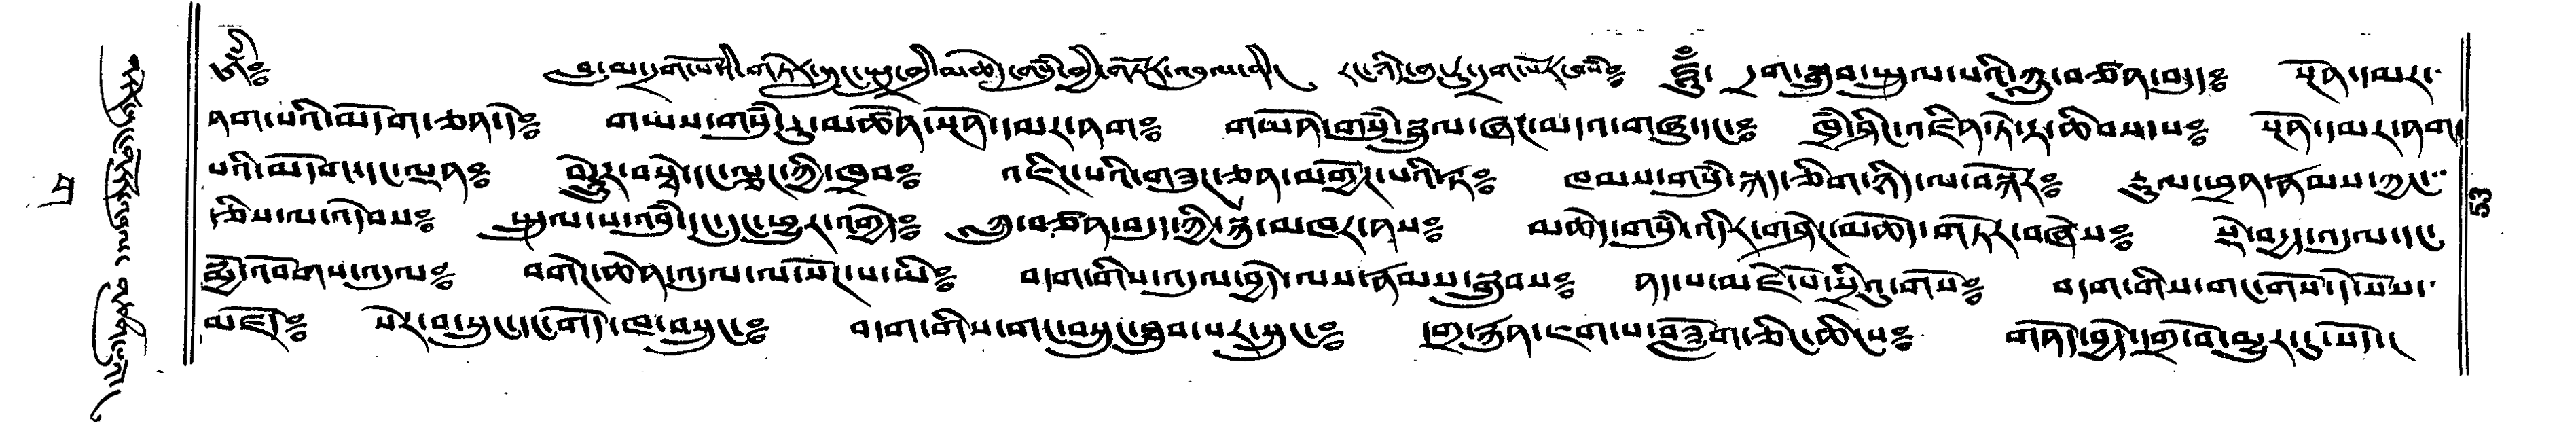བླ་མ་དྲག་པོའི་གཏེར་སྲུང་སྤུ་གྲི་མཆེད་གསུམ་གྱི་གཏོར་འབུལ་ནི། རང་ཉིད་གུ་རུ་དྲག་པོར་བསམ༔ ཧཱུྃ། དྲག་སྒྲུབ་སྤྲུལ་པའི་ཀླུ་བཙན་བདུད། །སྔོ་དམར་
ནག་པའི་མདོག་ཅན་དེ། །གཡས་གསུམ་རུ་མཚོན་སྔོ་དམར་ནག །གཡོན་གསུམ་སྦྲུལ་ཞགས་མདའ་གཞུ་དང་། ཁྲམ་ཤིང་འཛིན་ཏེ་རྟ་བཅིབས་པ། །སྔོ་དམར་ནག་
པའི་མདོག་དང་ལྡན། བེཌཱུར་བསྭེ་དང་ལྕགས་ཀྱི་ཁྲབ། །འཇིགས་པའི་གཟུགས་ཅན་མགྱོགས་པའི་རྟ། ཁམས་གསུམ་སྐད་ཅིག་ཉིད་ལ་བསྐོར། །རྡུལ་ཕྲན་རྣམས་ཀྱང་
རྩིས་ལ་འདེབས། །སྤྲུལ་པ་འབུམ་དང་དུང་ཕྱུར་འགྱེད། །ཀླུ་བཙན་བདུད་ཀྱི་སྐུ་མཁར་ནས། །མཆེད་གསུམ་འདིར་གཤེགས་མཆོད་གཏོར་བཞེས། །སྡེ་བརྒྱད་འདུལ་དང་
སྨྱོ་འབོག་འདུལ། །བགེགས་ཆེན་འདུལ་ལ་སོགས་པ་ཡི། །བདག་གི་འདུལ་བྱེད་ལས་རྣམས་སྒྲུབས། །ནད་པ་མཛེ་པོ་སྲིའུ་གསོ། །བདག་གིས་གང་གསོ་དེ་སོས་
མཛོད། །སེར་བ་སྲུང་དང་གོད་ཁ་སྲུང་། །བདག་གིས་གང་སྲུང་ཐུབ་པར་སྲུངས། །དགྲ་རྐུན་ཇག་པ་ཟློག་ཅིང་ཆིངས། །གནོད་བྱེད་དགྲ་བོ་མྱུར་དུ་སོད།